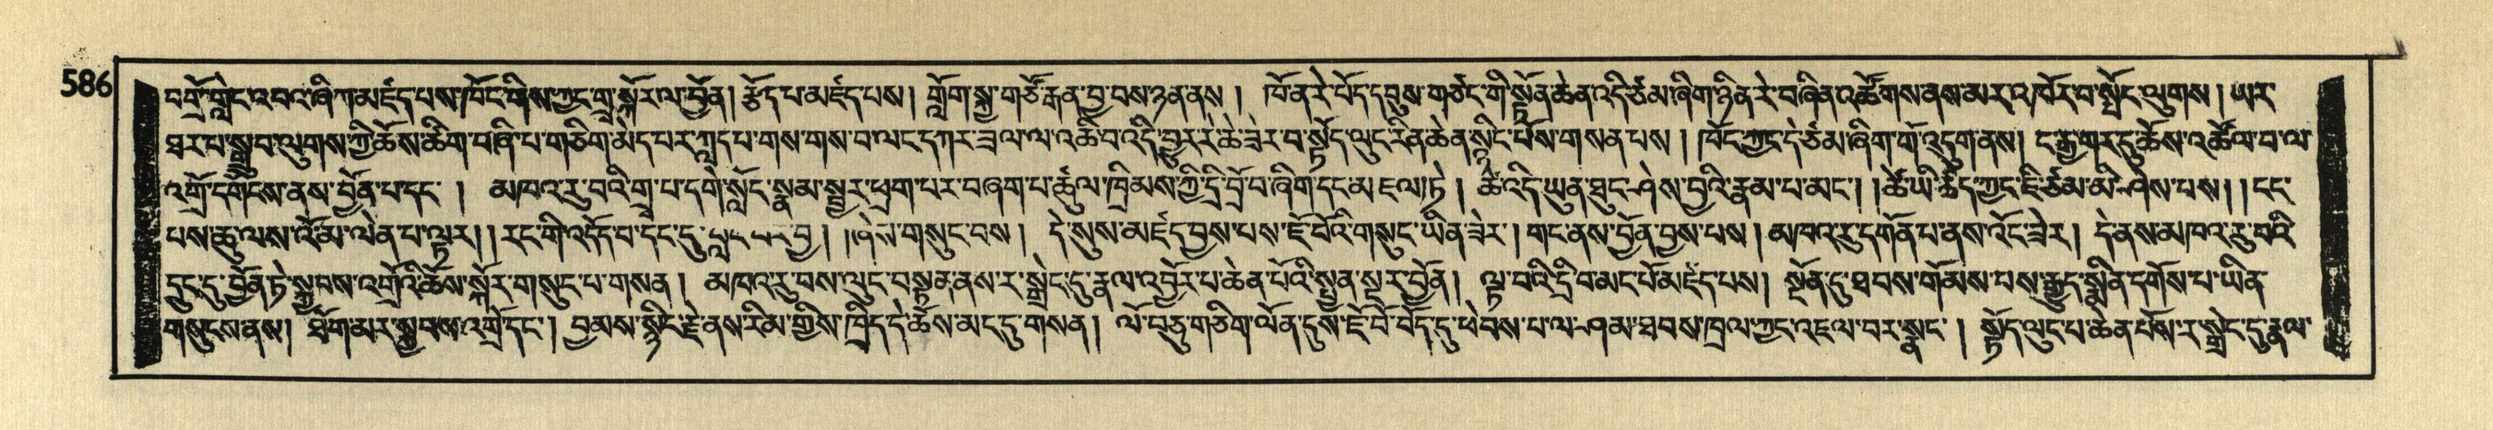བགྲོ་གླེང་འབའ་ཞིག་མཛད་པས་ཁོང་གིས་ཀྱང་གྲྭ་སྐོར་ལ་བྱོན། རྩོད་པ་མཛད་པས། གློག་སྐྱ་གཙོ་རྒན་བྱ་བས་ཉན་ནས། ཁོ་ན་རེ་པོད་དབུས་གཙང་གི་སྟོན་ཆེན་འདི་ཙམ་ཞིག་ཉིན་རེ་བཞིན་འཚོགས་ནས་མར་འཁོར་བ་སྤོང་ལུགས་།ཡར་
ཐར་པ་སྒྲུབ་ལུགས་ཀྱི་ཆོས་ཚིག་བཞི་པ་གཅིག་མེད་པར་ཀླད་པ་གས་གས་བ་ལང་དཀར་ཟལ་ལ་འཆི་བ་འདི་བྱུར་རེ་ཆེ་ཟེར་བ་སྟོད་ལུང་རིན་ཆེན་སྙིང་པོས་གསན་པས། ཁོང་ཀྱང་དེ་ཙམ་ཞིག་གོ་འདུག་ནས། ང་རྒྱ་གར་དུ་ཆོས་འཚོལ་བ་ལ་
འགྲོ་དགོངས་ནས་བྱོན་པ་དང་། མཁའ་རུ་བའི་གྲྭ་པ་དགེ་སློང་སྣམ་སྦྱར་ཕྲག་པར་བཞག་པ་ཚུལ་ཁྲིམས་ཀྱི་དྲི་བྲོ་བ་ཞིག་དང་མཇལ། ཏེ་། ཚེ་འདི་ཡུན་ཐུང་ཤེས་བྱའི་རྣམ་པ་མང་། །ཚེ་ཡི་ཚད་ཀྱང་ཇི་ཙམ་མི་ཤེས་པས། །ངང་
པས་ཆུ་ལས་འོ་མ་ལེན་པ་ལྟར། །རང་གི་འདོད་པ་དང་དུ་བླང་བར་བྱ། །ཞེས་གསུང་བས། དེ་སུས་མཛད་བྱས་པས་ཇོ་བོའི་གསུང་ཡིན་ཟེར་།གང་ནས་བྱོན་བྱས་པས། མཁའ་རུ་དགོན་པ་ནས་འོང་ཟེར། དེ་ནས་མཁའ་རུ་བའི་
དྲུང་དུ་བྱོན་ཏེ་སྐྱབས་འགྲོའི་ཆོས་སྐོར་གསུང་པ་གསན། མཁའ་རུ་བས་ལུང་བསྟན་ནས་ར་སྒྲེང་དུ་རྣལ་འབྱོར་པ་ཆེན་པོའི་སྤྱན་སྔར་བྱོན། ལྟ་བའི་དྲི་བ་མང་པོ་མཛད་པས། སྔོན་དུ་ཐབས་གོམས་པས་རྒྱུད་སྨིན་དགོས་པ་ཡིན་
གསུངས་ནས། ཐོག་མར་སྐྱབས་འགྲོ་དང་། བྱམས་སྙིང་རྗེ་ནས་རིམ་གྱིས་ཁྲིད་དེ་ཆོས་མང་དུ་གསན། ལོ་བཅུ་གཅིག་ལོན་དུས་ཇོ་བོ་བོད་དུ་ཕེབས་པ་ལ་ཤམ་ཐབས་ཁྲལ་ཀྱང་འཇལ་བར་སྣང་། སྟོད་ལུང་པ་ཆེན་པོས་ར་སྒྲེང་དུ་རྣལ་